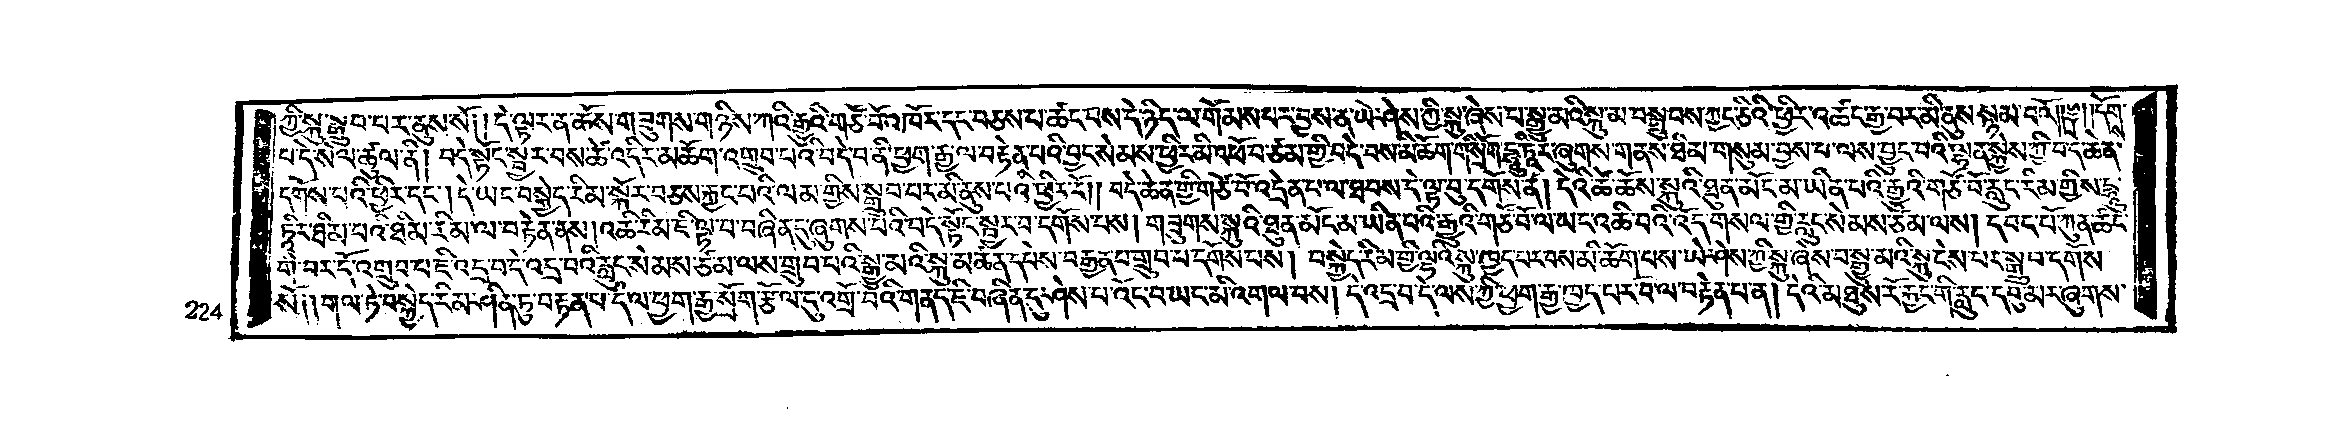ཀྱི་སྐུ་སྒྲུབ་པར་ནུས་སོ། །དེ་ལྟར་ན་ཆོས་གཟུགས་གཉིས་ཀའི་རྒྱུའི་གཙོ་བོ་འཁོར་དང་བཅས་པ་ཚང་བས་དེ་ཉིད་ལ་གོམས་པར་བྱས་ན་ཡེ་ཤེས་ཀྱི་སྐུ་ཞེས་པ་སྒྱུ་མའི་སྐུ་མ་བསྒྲུབས་ཀྱང་ཅིའི་ཕྱིར་འཚང་རྒྱ་བར་མི་ནུས་སྙམ་པའོ།། ༈ །།དོགས་
པ་དེ་སེལ་ཚུལ་ནི། བདེ་སྟོང་སྦྱར་བས་ཚེ་འདིར་མཆོག་འགྲུབ་པའི་བདེ་བ་ནི་ཕྱག་རྒྱ་ལ་བརྟེན་པའི་བྱང་སེམས་ཕྱིར་མི་འཕོ་བ་ཙམ་གྱི་བདེ་བས་མི་ཆོག་གི་སྲོག་དྷཱུ་ཏཱིར་ཞུགས་གནས་ཐིམ་གསུམ་བྱས་པ་ལས་བྱུང་བའི་ལྷན་སྐྱེས་ཀྱི་བདེ་ཆེན་
དགོས་པའི་ཕྱིར་དང་། དེ་ཡང་བསྐྱེད་རིམ་སྐོར་བཅས་རྐྱང་པའི་ལམ་གྱིས་སྒྲུབ་པར་མི་ནུས་པའི་ཕྱིར་རོ། །བདེ་ཆེན་གྱི་གཙོ་བོ་འདྲེན་པ་ལ་ཐབས་དེ་ལྟ་བུ་དགོས་ན། དེའི་ཚེ་ཆོས་སྐུའི་ཐུན་མོང་མ་ཡིན་པའི་རྒྱུའི་གཙོ་བོ་རླུང་རིམ་གྱིས་དྷཱུ་
ཏཱིར་ཐིམ་པའི་ཐིམ་རིམ་ལ་བརྟེན་ནས། འཆི་རིམ་ཇི་ལྟ་བ་བཞིན་དུ་ཞུགས་པའི་བདེ་སྟོང་སྦྱར་བ་དགོས་པས། གཟུགས་སྐུའི་ཐུན་མོང་མ་ཡིན་པའི་རྒྱུའི་གཙོ་བོ་ལ་ཡང་འཆི་བའི་འོད་གསལ་གྱི་རླུང་སེམས་ཙམ་ལས། དབང་པོ་ཀུན་ཚང་
གི་བར་དོ་འགྲུབ་པ་ཇི་འདྲ་བ་དེ་འདྲ་བའི་རླུང་སེམས་ཙམ་ལས་གྲུབ་པའི་སྒྱུ་མའི་སྐུ་མཚན་དཔེས་བརྒྱན་པ་གྲུབ་པ་དགོས་པས། བསྐྱེད་རིམ་གྱི་ལྷའི་སྐུ་ཁྱད་པར་བས་མི་ཆོག་པས་ཡེ་ཤེས་ཀྱི་སྐུ་ཞེས་པ་སྒྱུ་མའི་སྐུ་ངེས་པར་སྒྲུབ་དགོས་
སོ། །གལ་ཏེ་བསྐྱེད་རིམ་ཤིན་ཏུ་བརྟན་པ་དེ་ལ་ཕྱག་རྒྱ་སྲོག་རྩོལ་དུ་འགྲོ་བའི་གནད་ཇི་བཞིན་དུ་ཤེས་པ་འོང་བ་ཡང་མི་འགལ་བས། དེ་འདྲ་བ་དེ་ལས་ཀྱི་ཕྱག་རྒྱ་ཁྱད་པར་བ་ལ་བརྟེན་པ་ན། དེའི་མཐུས་རོ་རྐྱང་གི་རླུང་དབུ་མར་ཞུགས་